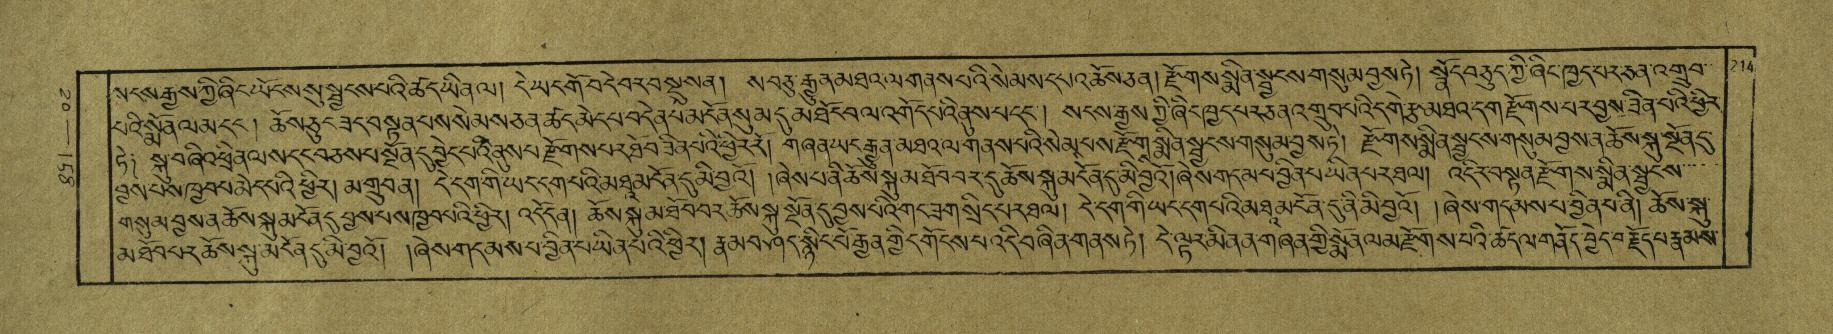སངས་རྒྱས་ཀྱི་ཞིང་ཡོངས་སུ་སྦྱངས་པའི་ཚད་ཡིན་ལ། དེ་ཡང་གོ་བདེ་བར་བསྡུས་ན། ས་བཅུ་རྒྱུན་མཐའ་ལ་གནས་པའི་སེམས་དཔའ་ཆོས་ཅན། རྫོགས་སྨིན་སྦྱངས་གསུམ་བྱས་ཏེ། སྣོད་བཅུད་ཀྱི་ཞིང་ཁྱད་པར་ཅན་འགྲུབ་
པའི་སྨོན་ལམ་དང་། ཆོས་ཅུང་ཟད་བསྟན་པས་སེམས་ཅན་ཚད་མེད་པ་བདེན་པ་མངོན་སུམ་དུ་མཐོང་བ་ལ་འགོད་པའི་ནུས་པ་དང་། སངས་རྒྱས་ཀྱི་ཞིང་ཁྱད་པར་ཅན་འགྲུབ་པའི་དགེ་རྩ་མཐའ་དག་རྫོགས་པར་བྱས་ཟིན་པའི་ཕྱིར་
ཏེ༑ སྐུ་བཞི་འཕྲིན་ལས་དང་བཅས་པ་སྔོན་དུ་བྱེད་པའི་ནུས་པ་རྫོགས་པར་ཐོབ་ཟིན་པའི་ཕྱིར་རོ། །གཞན་ཡང་རྒྱུན་མཐའ་ལ་གནས་པའི་སེམས་པས་རྫོགས་སྨིན་སྦྱངས་གསུམ་བྱས་ཏེ། རྫོགས་སྨིན་སྦྱངས་གསུམ་བྱས་ན་ཆོས་སྐུ་སྔོན་དུ་
བྱས་པས་ཁྱབ་པ་མེད་པའི་ཕྱིར། མ་གྲུབ་ན། དེ་དག་གི་ཡང་དག་པའི་མཐའ་མངོན་དུ་མི་བྱའོ། །ཞེས་པ་ནི་ཆོས་སྐུ་མ་ཐོབ་པར་དུ་ཆོས་སྐུ་མངོན་དུ་མི་བྱའོ། །ཞེས་གདམ་པ་བྱིན་པ་ཡིན་པར་ཐལ། འདིར་བསྟན་རྫོགས་སྨིན་སྦྱངས་
གསུམ་བྱས་ན་ཆོས་སྐུ་མངོན་དུ་བྱས་པས་ཁྱབ་པའི་ཕྱིར། འདོད་ན། ཆོས་སྐུ་མ་ཐོབ་བར་ཆོས་སྐུ་སྔོན་དུ་བྱས་པའི་གང་ཟག་སྲིད་པར་ཐལ། དེ་དག་གི་ཡང་དག་པའི་མཐའ་མངོན་དུ་ནི་མི་བྱའོ། །ཞེས་གདམས་པ་བྱིན་པ་ནི། ཆོས་སྐུ་
མ་ཐོབ་པར་ཆོས་སྐུ་མངོན་དུ་མི་བྱའོ། །ཞེས་གདམས་པ་བྱིན་པ་ཡིན་པའི་ཕྱིར། རྣམ་བཤད་སྙིང་པོ་རྒྱན་གྱི་དགོངས་པ་འདི་བཞིན་གནས་ཏེ། དེ་ལྟར་མིན་ན་གཞན་གྱི་སྨོན་ལམ་རྫོགས་པའི་ཚད་ལ་གནོད་བྱེད་བརྗོད་པ་རྣམས་